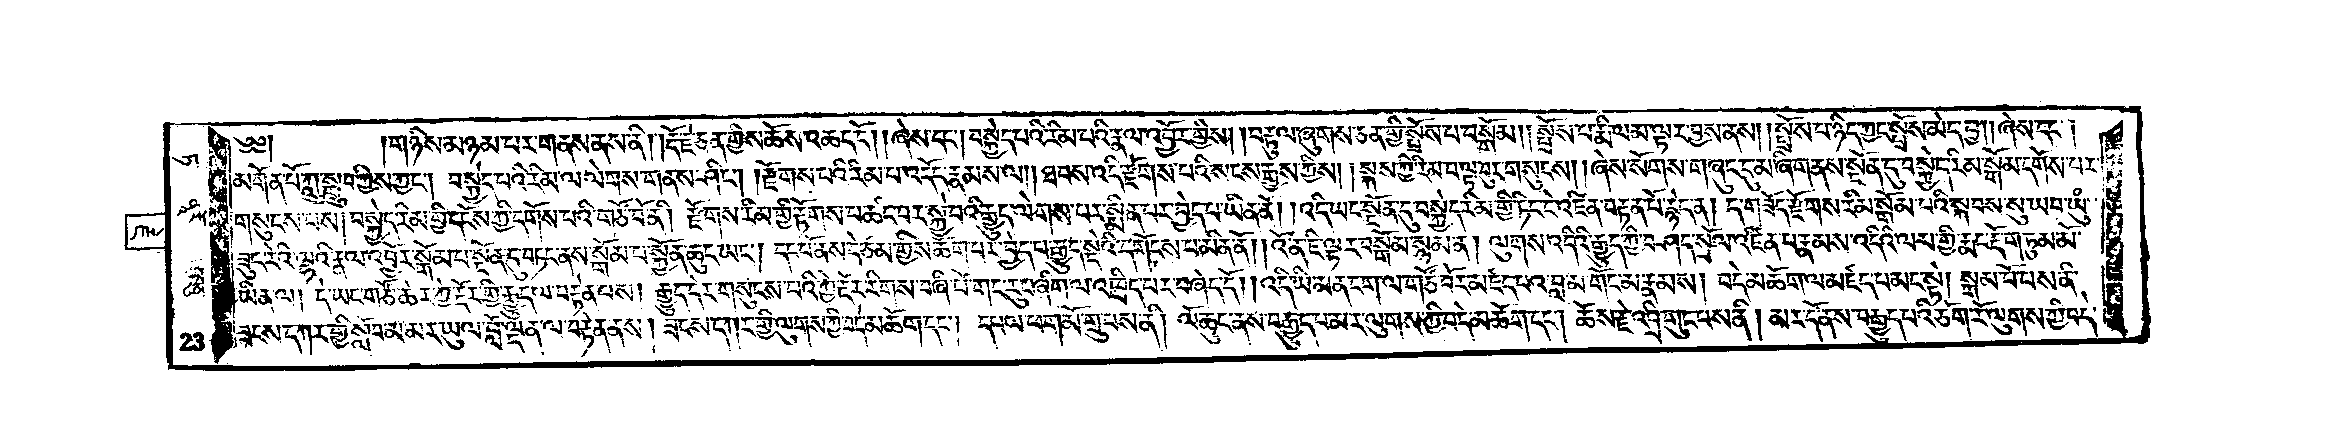༄༅། །གཉིས་མཉམ་པར་གནས་ནས་ནི། །རྡོ་རྗེ་ཅན་གྱིས་ཆོས་འཆད་དོ། །ཞེས་དང་། བསྐྱེད་པའི་རིམ་པའི་རྣལ་འབྱོར་གྱིས། །བརྟུལ་ཞུགས་ཅན་གྱི་སྤྲོས་པ་བསྒོམ། །སྤྲོས་པ་རྨི་ལམ་ལྟར་བྱས་ནས། །སྤྲོས་པ་ཉིད་ཀྱང་སྤྲོས་མེད་བྱ། ཞེས་དང་།
མགོན་པོ་ཀླུ་སྒྲུབ་ཀྱིས་ཀྱང་། བསྐྱེད་པའི་རིམ་ལ་ལེགས་གནས་ཤིང་། །རྫོགས་པའི་རིམ་པ་འདོད་རྣམས་ལ། །ཐབས་འདི་རྫོགས་པའི་སངས་རྒྱས་ཀྱིས། །སྐས་ཀྱི་རིམ་པ་ལྟ་བུར་གསུངས། །ཞེས་སོགས་གཞུང་དུ་མ་ཞིག་ནས་སྔོན་དུ་བསྐྱེད་རིམ་སྒོམ་དགོས་པར་
གསུངས་པས། བསྐྱེད་རིམ་གྱི་དངོས་ཀྱི་དགོས་པའི་གཙོ་བོ་ནི། རྫོགས་རིམ་གྱི་རྟོགས་པ་ཚང་བར་སྐྱེ་བའི་རྒྱུད་ལེགས་པར་སྨིན་པར་བྱེད་པ་ཡིན་ནོ། །འདི་ཡང་སྔོན་དུ་བསྐྱེད་རིམ་གྱི་ཏིང་ངེ་འཛིན་བརྟན་པོ་རྙེད་ན། ད་གཟོད་རྫོགས་རིམ་སྒོམ་པའི་སྐབས་སུ་ཡབ་ཡུམ་
ཟུང་རེའི་ལྷའི་རྣལ་འབྱོར་སྒོམ་པ་སྔོན་དུ་བཏང་ནས་སྒོམ་པ་སྐྱོན་ཆུང་ཡང་། དང་པོ་ནས་དེ་ཙམ་གྱིས་ཆོག་པར་བྱེད་པ་རྒྱུད་སྡེའི་དགོངས་པ་མིན་ནོ། །འོ་ན་ཇི་ལྟར་བསྒོམ་སྙམ་ན། ལུགས་འདིའི་རྒྱུད་ཀྱི་བཤད་སྲོལ་འཛིན་པ་རྣམས་འདིའི་ལམ་གྱི་རྨང་རྡོ་གཏུམ་མོ་
ཡིན་ལ། དེ་ཡང་གཙོ་ཆེར་ཀྱེ་རྡོར་གྱི་རྒྱུད་ལ་བརྟེན་པས། རྒྱུད་དེར་གསུངས་པའི་ཀྱེ་རྡོར་རིགས་བཞི་པོ་གང་རུང་ཞིག་ལ་འཁྲིད་པར་བཞེད་དོ། །འདི་ཡི་མན་ངག་ལ་གཙོ་བོར་མཛད་པའི་བླ་མ་གོང་མ་རྣམས། བདེ་མཆོག་ལ་མཛད་པ་མང་སྟེ། སྒམ་པོ་པས་ནི་
ཟངས་དཀར་གྱི་སློབ་མ་མར་ཡུལ་བློ་ལྡན་ལ་བརྟེན་ནས། ཟངས་དཀར་གྱི་ལུགས་ཀྱི་བདེ་མཆོག་དང་། དཔལ་མོ་གྲུ་པས་ནི། ལོ་ཆུང་ནས་བརྒྱུད་པ་མར་ལུགས་ཀྱི་བདེ་མཆོག་དང་། ཆོས་རྗེ་འབྲི་གུང་པས་ནི། མར་དོ་ནས་བརྒྱུད་པའི་ཅོག་རོ་ལུགས་ཀྱི་བདེ་